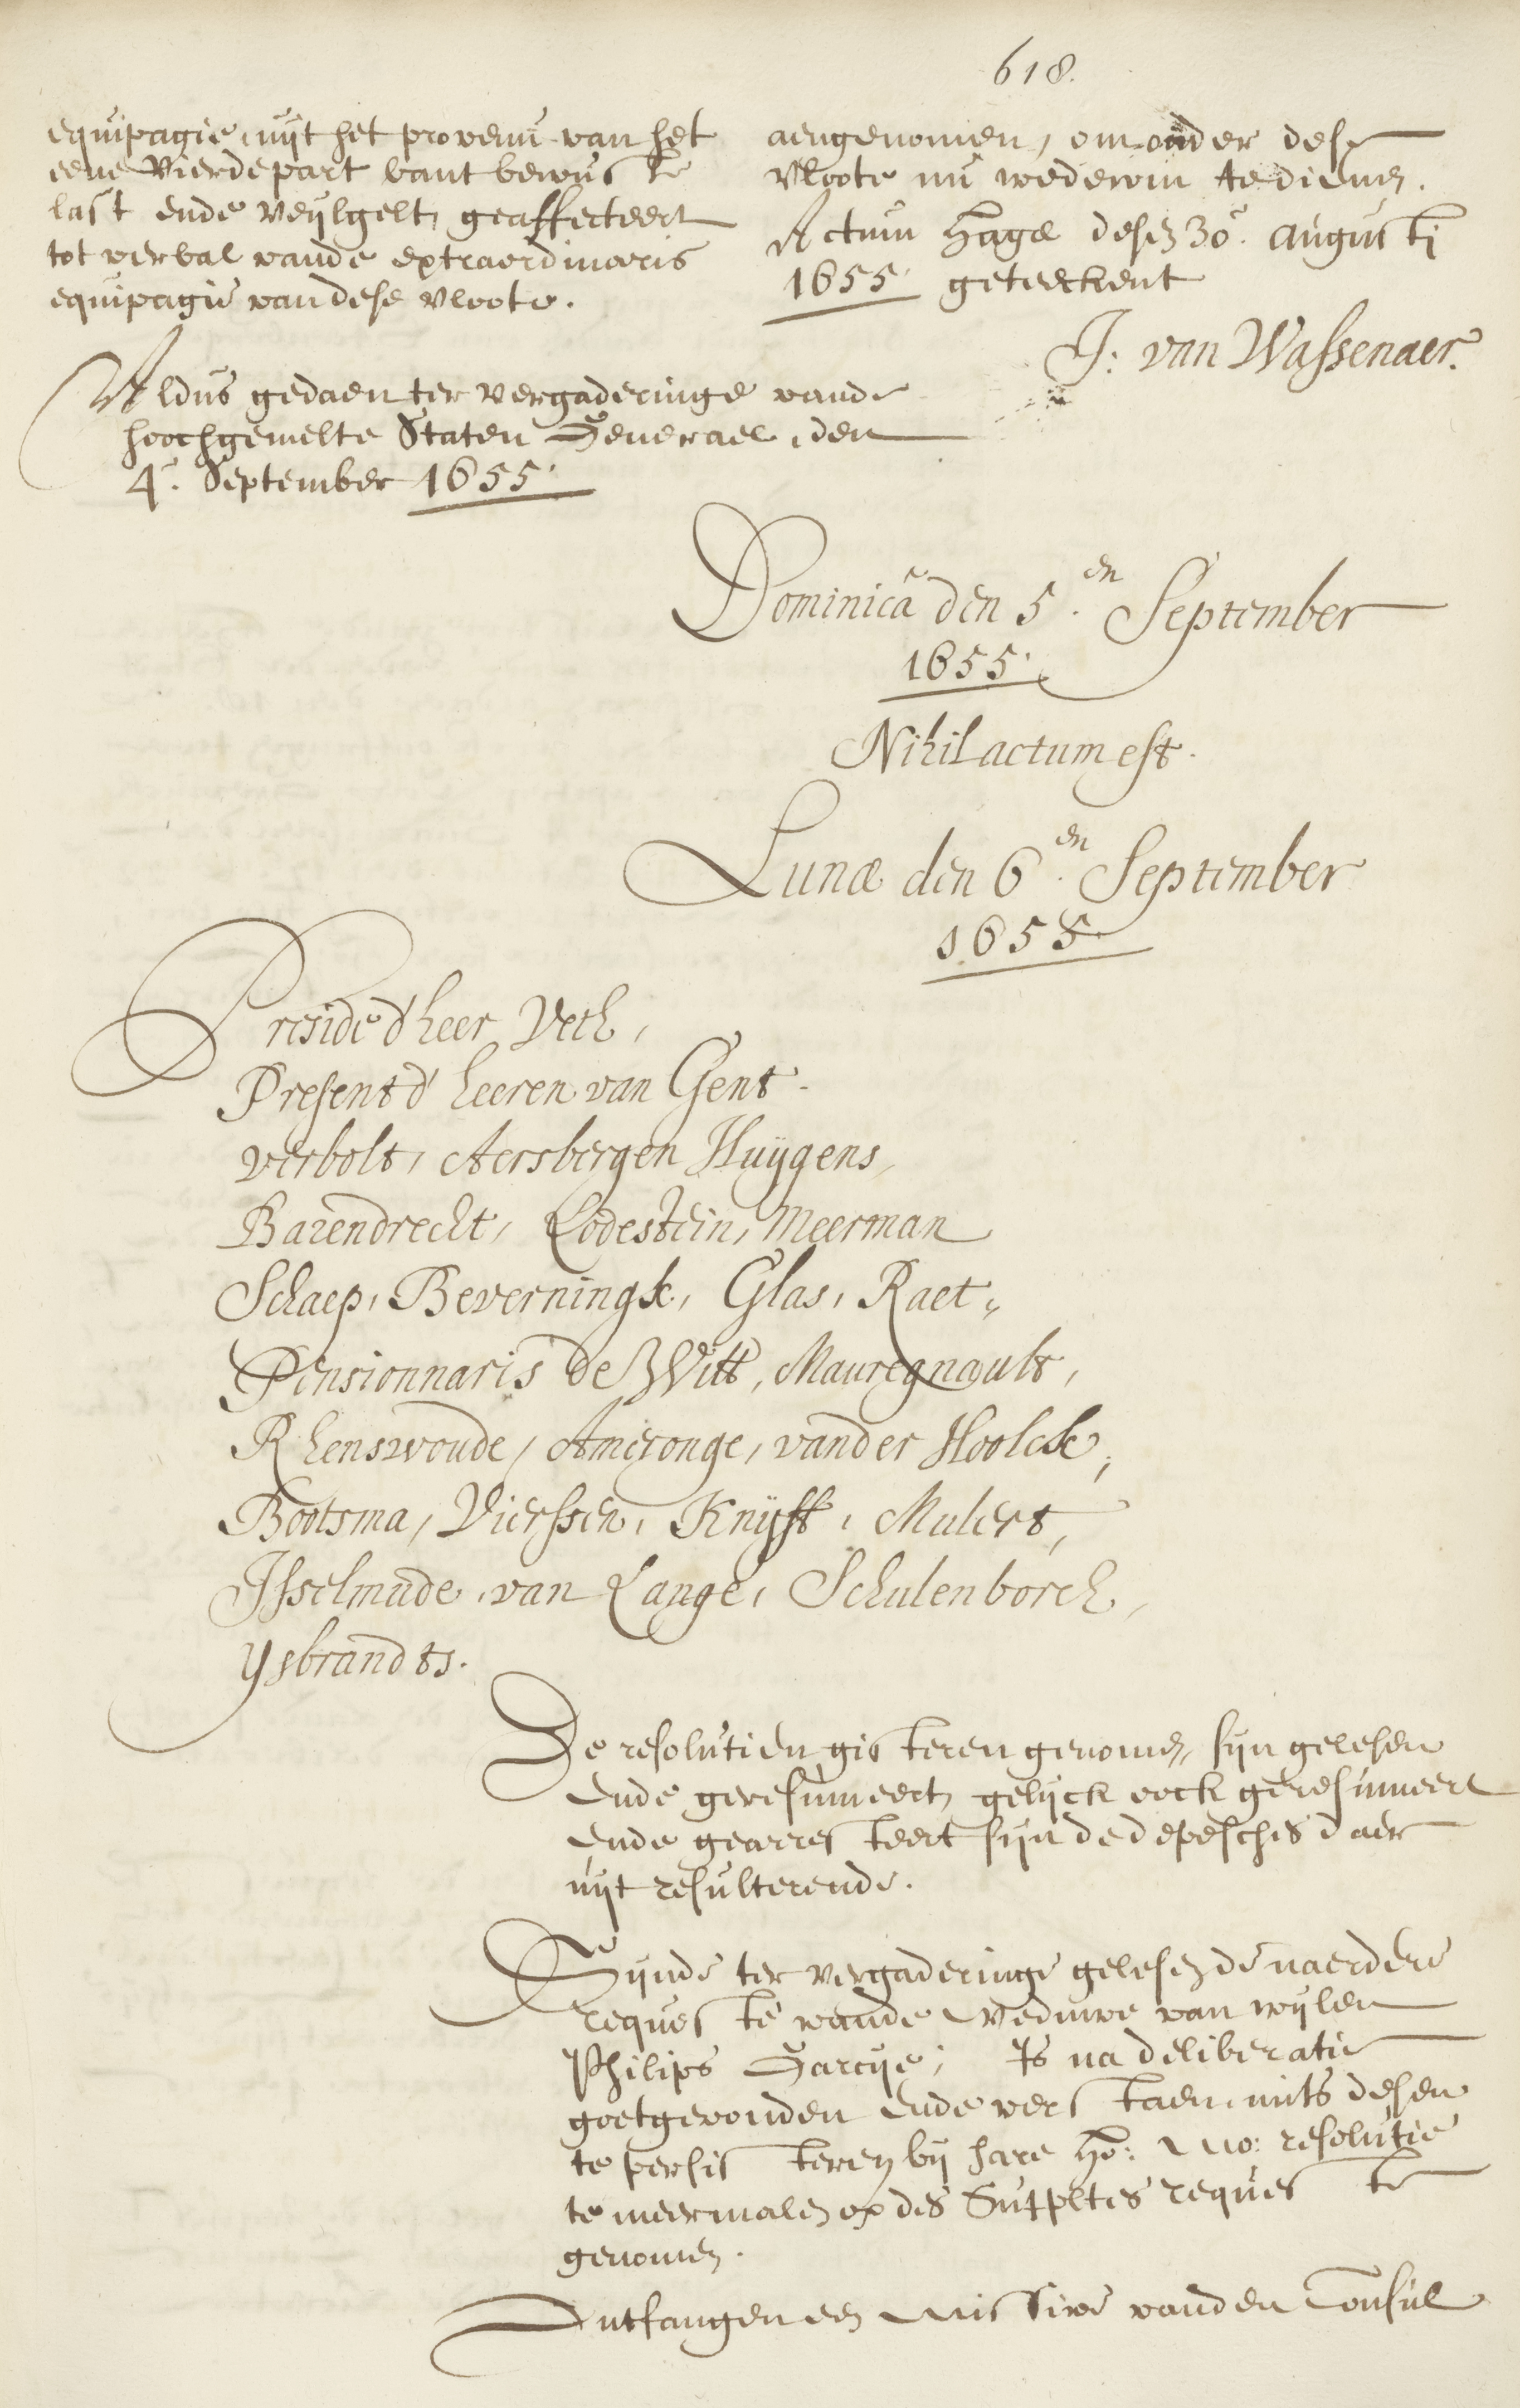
618.
equipagie uijt het provenu van het
eene Vierde part vant bewuste
last ende Veijlgelt, geaffecteert
tot verval vande extraordinaris
equipagie van dese Vloote.
aengenomen, om onder dese
Vloote nu wederom te dienen.
Actum Hage desen 30en Augusti
1655 geteeckent
J: van Wassenaer.
Aldus gedaen ter vergaderinge vande
hoochgemelte Staten Generael, den
4e. September 1655.
Dominica den 5en. September
1655.
Nihil actum est.
Lunæ den 6en. September
1655.
Preside d‛heer Veth,
Present d‛heeren van Gent,
verbolt, Aersbergen, Huijgens,
Barendrecht, Lodestein, Meerman,
Schaep, Beverningk, Glas, Raet,
Pensionnaris de Witt, Mauregnault,
Rhenswoude, Ameronge, vander Hoolck,
Bootsma, Vierssen, Knijff, Mulert,
Isselmude, van Lange, Schulenborch,
Ysbrandts.
De resolutien gisteren genomen, sijn gelesen
ende geresumeert, gelijck oock geresumeert
ende gearresteert sijn de depesches daer
uijt resulterende.
Sijnde ter vergaderinge gelesen de naerdere
requeste vande weduwe van wijlen
Philips Garcije; Is na deliberatie
goetgevonden ende verstaen, mits desen
te persisteren bij hare ho:mo: resolutie
te meermalen op des Suppltes requeste
genomen.
Ontfangen een missive vanden Consul
